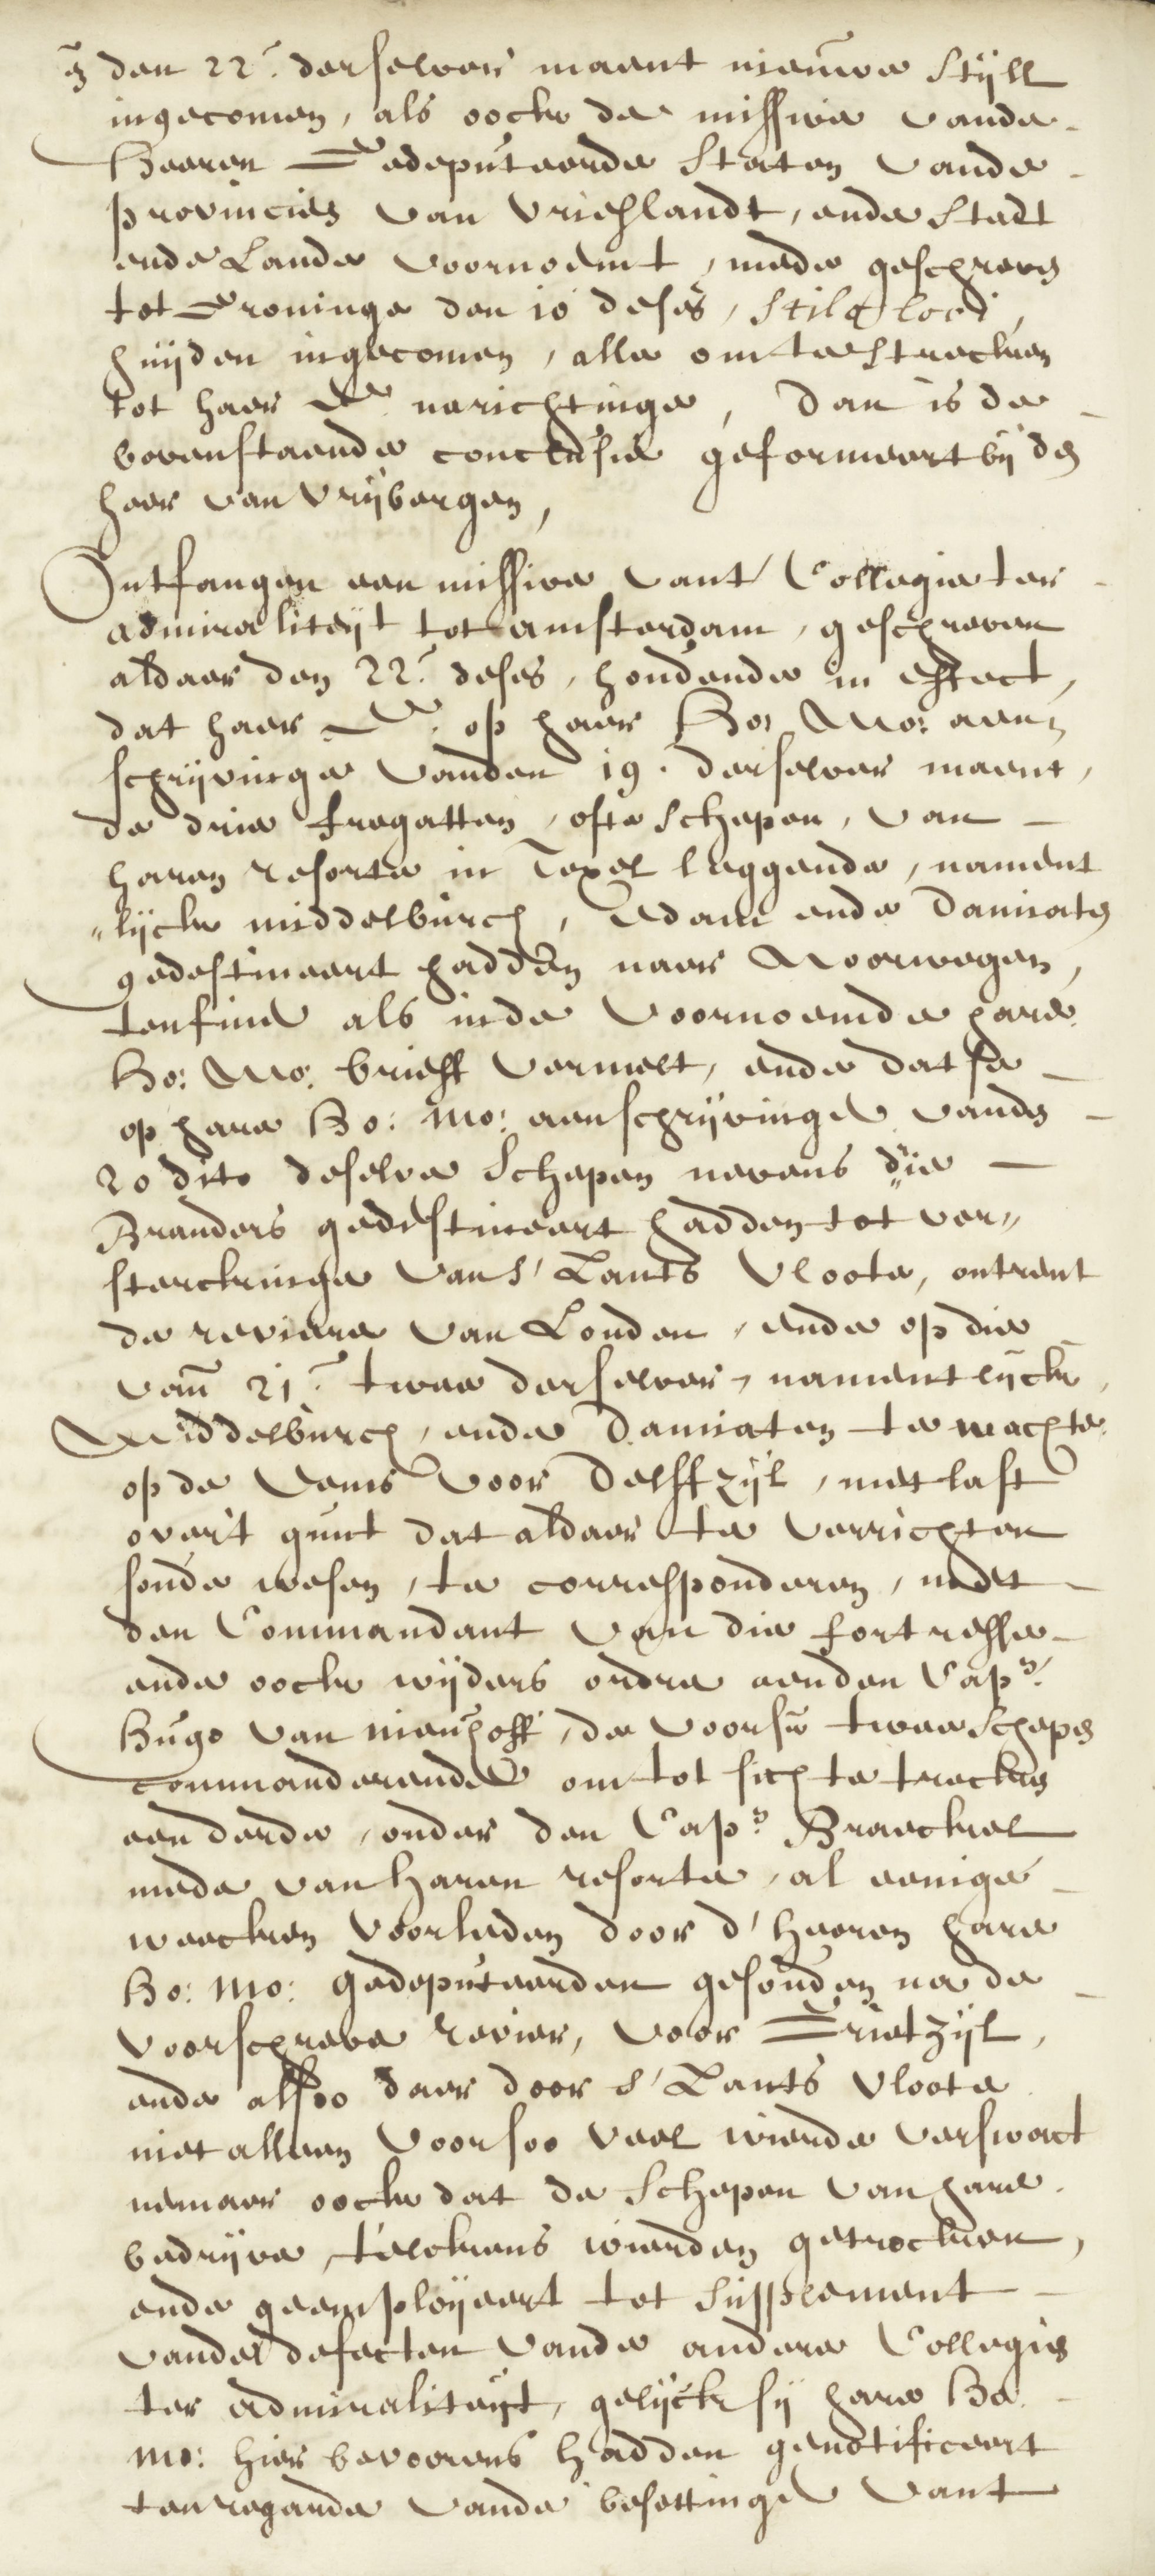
en den 22e. derselven maent nieuwe stijll
ingecomen, als oock de missive vande
heeren Gedeputeerde Staten vande
provincien van Vrieslandt, ende Stadt
ende Lande voornoemt, mede geschreven
tot Groninge den 10 deses, stilo loci,
huijden ingecomen, alle om te strecken
tot haer E. narichtinge, dan is de
bovenstaende conclusie geformeert bij den
heer van Vrijbergen.
Ontfangen een missive vant Collegie ter
admiraliteijt tot amsterdam, geschreven
aldaer den 22e deses, houdende in effect,
dat haer E. op haer Ho: Mo: aen„
schrijvinge vanden 19. derselver maent,
de drie fregatten, ofte schepen van
haeren resorte in Texel leggende, nament„
,,lijck Middelburch, Edam, ende Damiaten
gedestineert hadden naar Noorwegen,
ten fine als in de voornoemde hare
Ho: Mo: brieff vermelt, ande dat se
op hare Ho: Mo: aenschrijvinge vanden
20 dito deselve schepen nevens die
branders gedestineert haadden tot ver„
sterckinge van s'Lants vloote, ontrent
de reviere van Londen, ende op die
van 21e twee derselver, namentlijck
Middelburch, ende Damiaten te wachte
op de Eems voor Delffzijl, met last
over 't gunt dat aldaer te verrichten
soude wesen, te corresponderen, met
den Commandant van die fortresse
ende oock wijders ordre aen den Capn
Hugo van Nieuhoff, de voorsr twee schepen
commanderende om tot sich te trecken
een derde onder den Capn Braeckel
mede van haren resorte, al eenige
weecken voorleden door d'heeren hare
Ho: Mo: gedeputeerden gesonden na de
voorschreve revier, voor Grietzijl
ende alsoo daer door s'Lants vloote
niet alleen voor soo veel wierde verswact
nemaer oock dat de schepen van hare
bedrijve telckens wierden getrocken,
ende geemploijeert tot supplement
vande defecten vande andere Collegien
ter Admiraliteijt, gelijck sij hare Ho:
Mo: hier bevoorens hadden genotificeert
ten regarde vande besettinge vant
